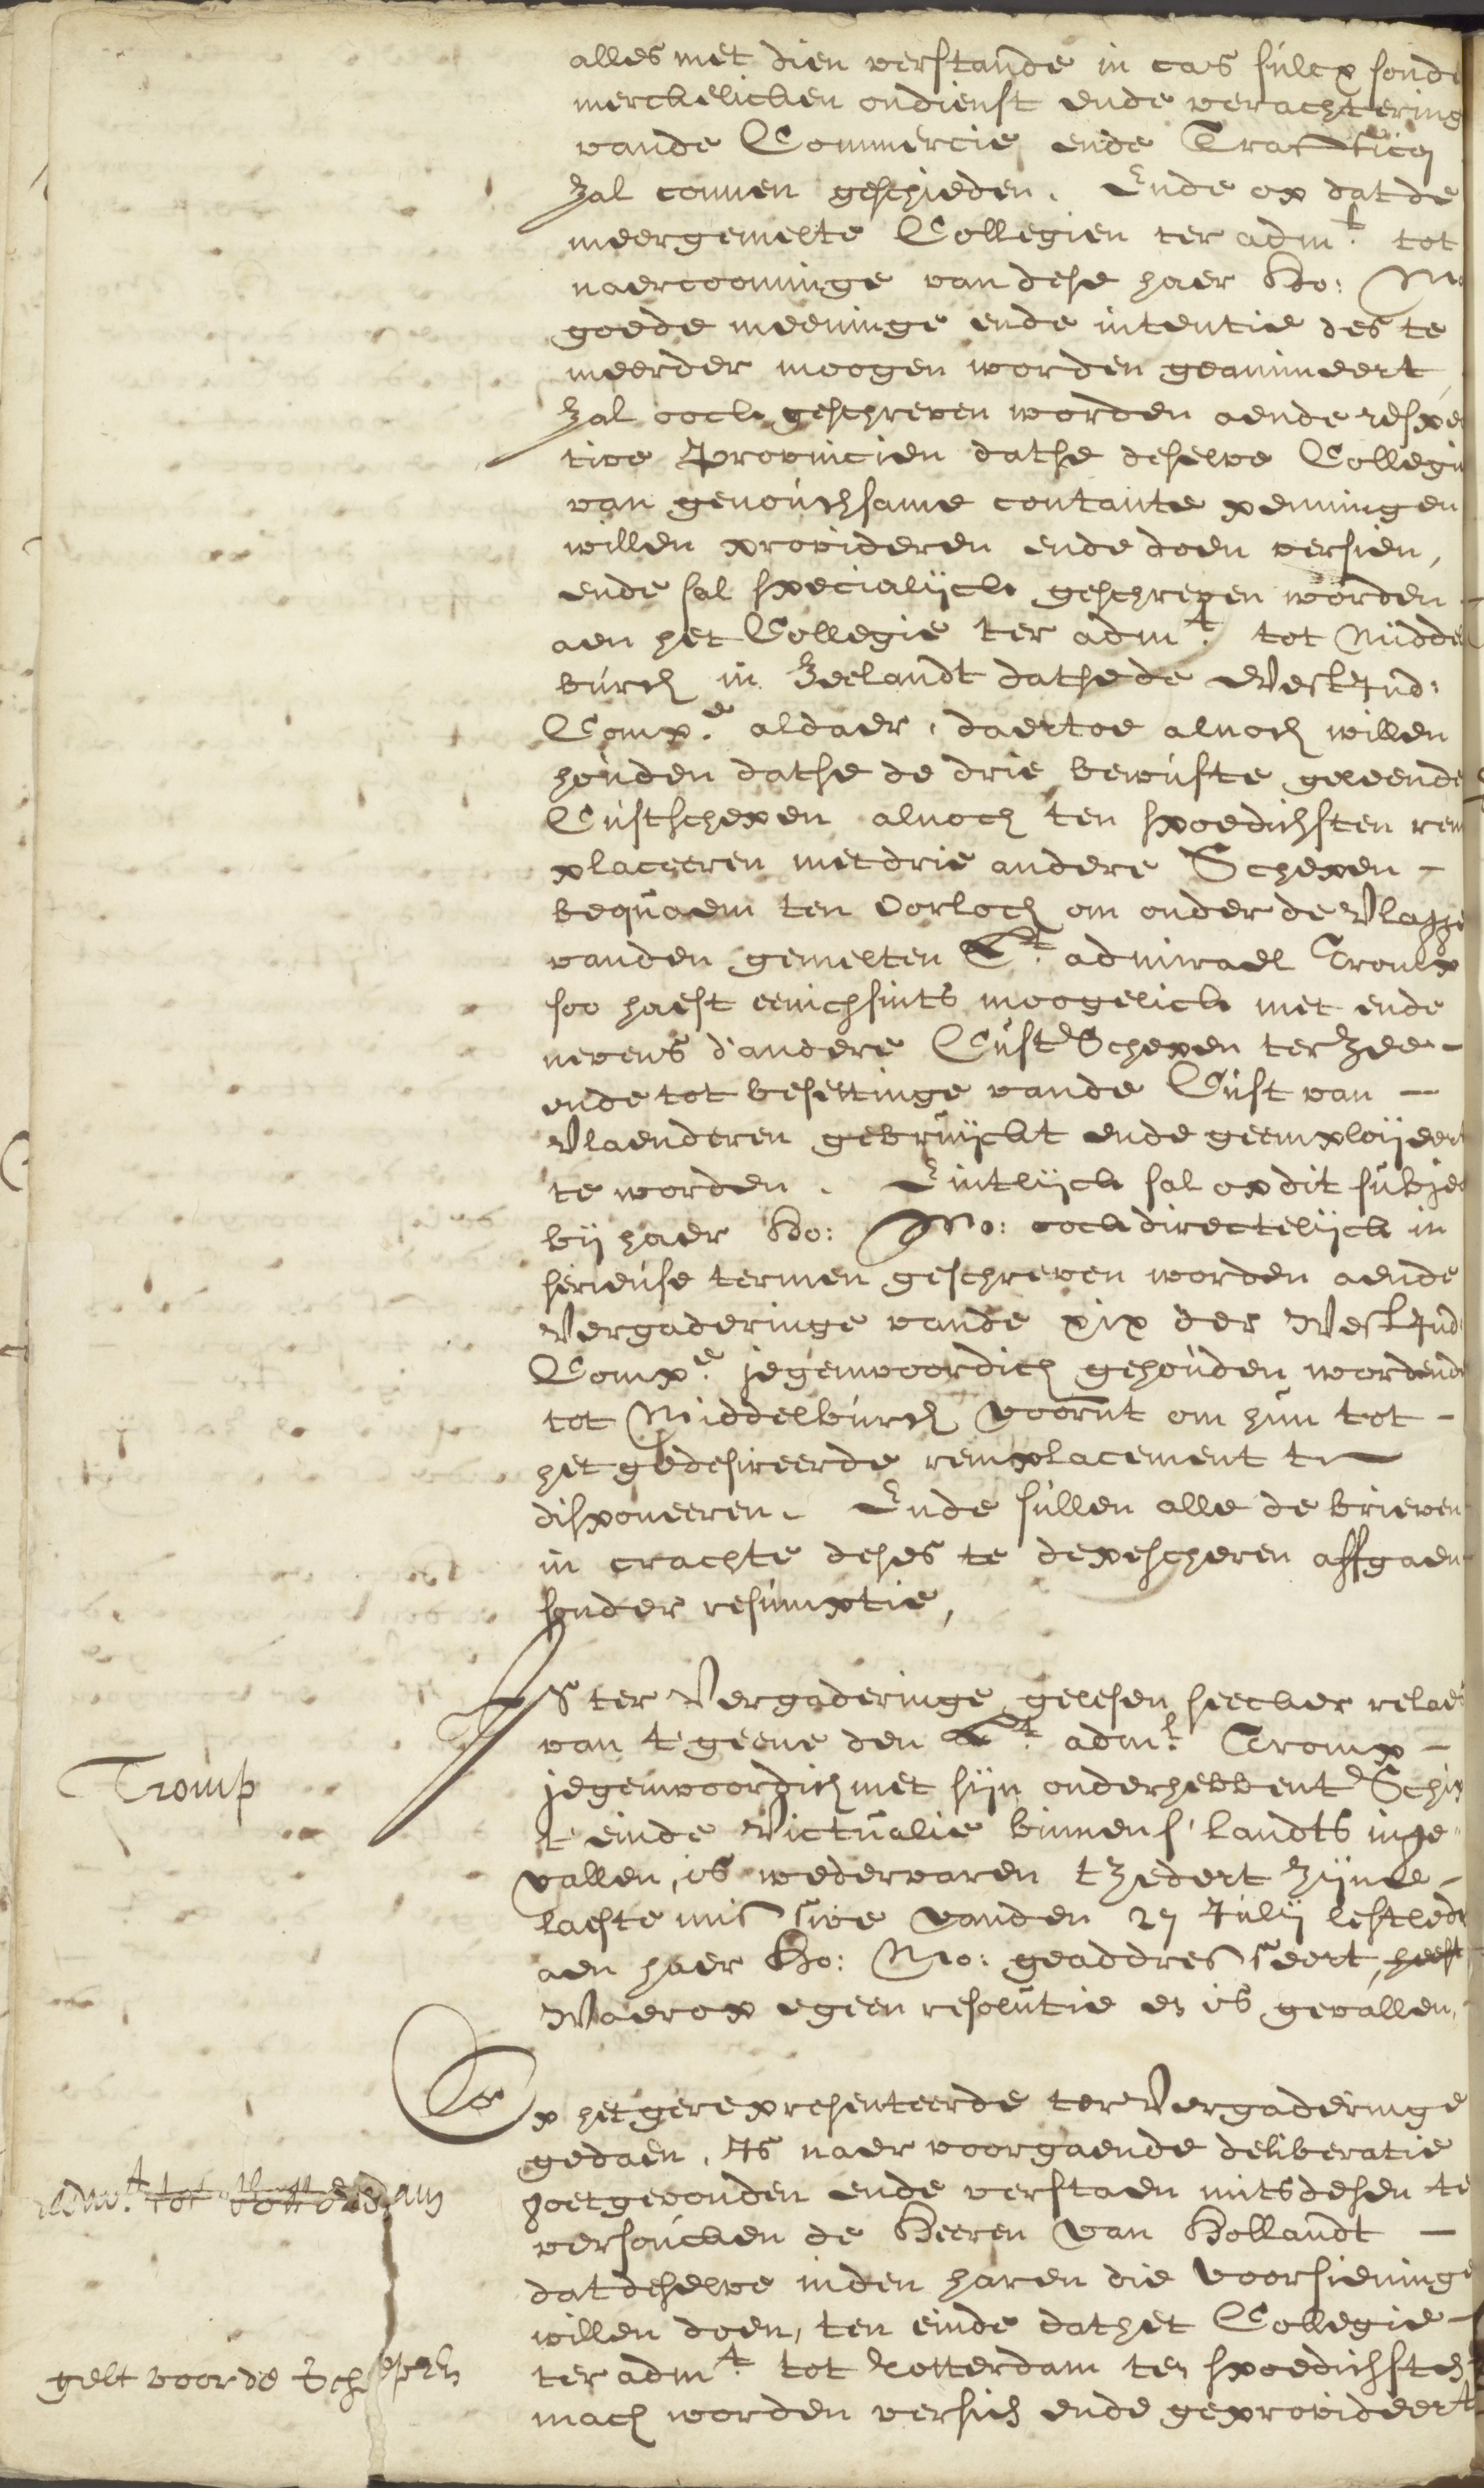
alles met dien verstande in cas sulcx soude
merckelicken ondienst ende verachtering
vande Commercie ende Trafficq
zal connen geschieden. Ende op dat de
meergemelte Collegien ter admt. tot
naercoominge van dese haer Ho:Mo:
goede meeninge ende intentie des te
meerder moogen worden geanimeert,
zal oock geschreven worden aen de respe
tive Provincien datse deselve Collegi
van genouchsame contante penningen
willen provideren ende doen versien,
ende sal specialijck geschreven worden
aen het Collegie ter admt. tot Middel„
burch in Zeelandt datse de WestInd:
Compe. aldaer, daertoe alnoch willen
houden datse de drie bewuste geleende
Custschepen alnoch ten spoedichsten rem„
placeren met drie andere Schepen -
bequaem ten Oorloch om onder de Vlagge
vanden gemelten Lt. admirael Tromp
soo haest eenchsints moogelick met ende
nevens d‛andere CustSchepen ter Zee
ende tot besettinge vande Cust van
Vlaenderen gebruijckt ende geemploijeert
te worden. Eintlijck sal op dit subjec
bij haer Ho:Mo: oock directelijck in
serieuse termen geschreven worden aende
Vergaderinge vande xix der WestInd.
Compe. jegenwoordich gehouden wordende
tot Middelburch voornt om hun tot —
het gedesireerde remplacement te
disponeeren. Ende sullen alle de brieven
in crachte deses te depescheren affgaen
sonder resumptie.
Tromp
Is ter Vergaderinge gelesen seecker relaes
van t‛ geene den Lt. adml. Tromp
jegenwoordich met sijn onderhebbent Schip
t‛einde Victualie binnen s‛Landts inge„
vallen, is wedervaren tzedert zijne
laeste missive vanden 27 Julij lestlede
aen haer Ho:Mo: geaddresseert, heeft
Waerop egeen resolutie en is gevallen.
admt. tot Rotterdam
gelt voor de Schepen
Op het gerepresenteerde ter Vergaderinge
gedaen, Is naer voorgaende deliberatie
goetgevonden ende verstaen mitsdesen te
versoucken de Heeren van Hollandt
dat deselve inden haren die voorsieninge
willen doen, ten einde dat het Collegie
ter admt. tot Rotterdam ten spoedichsten
mach worden versien ende geprovideert
